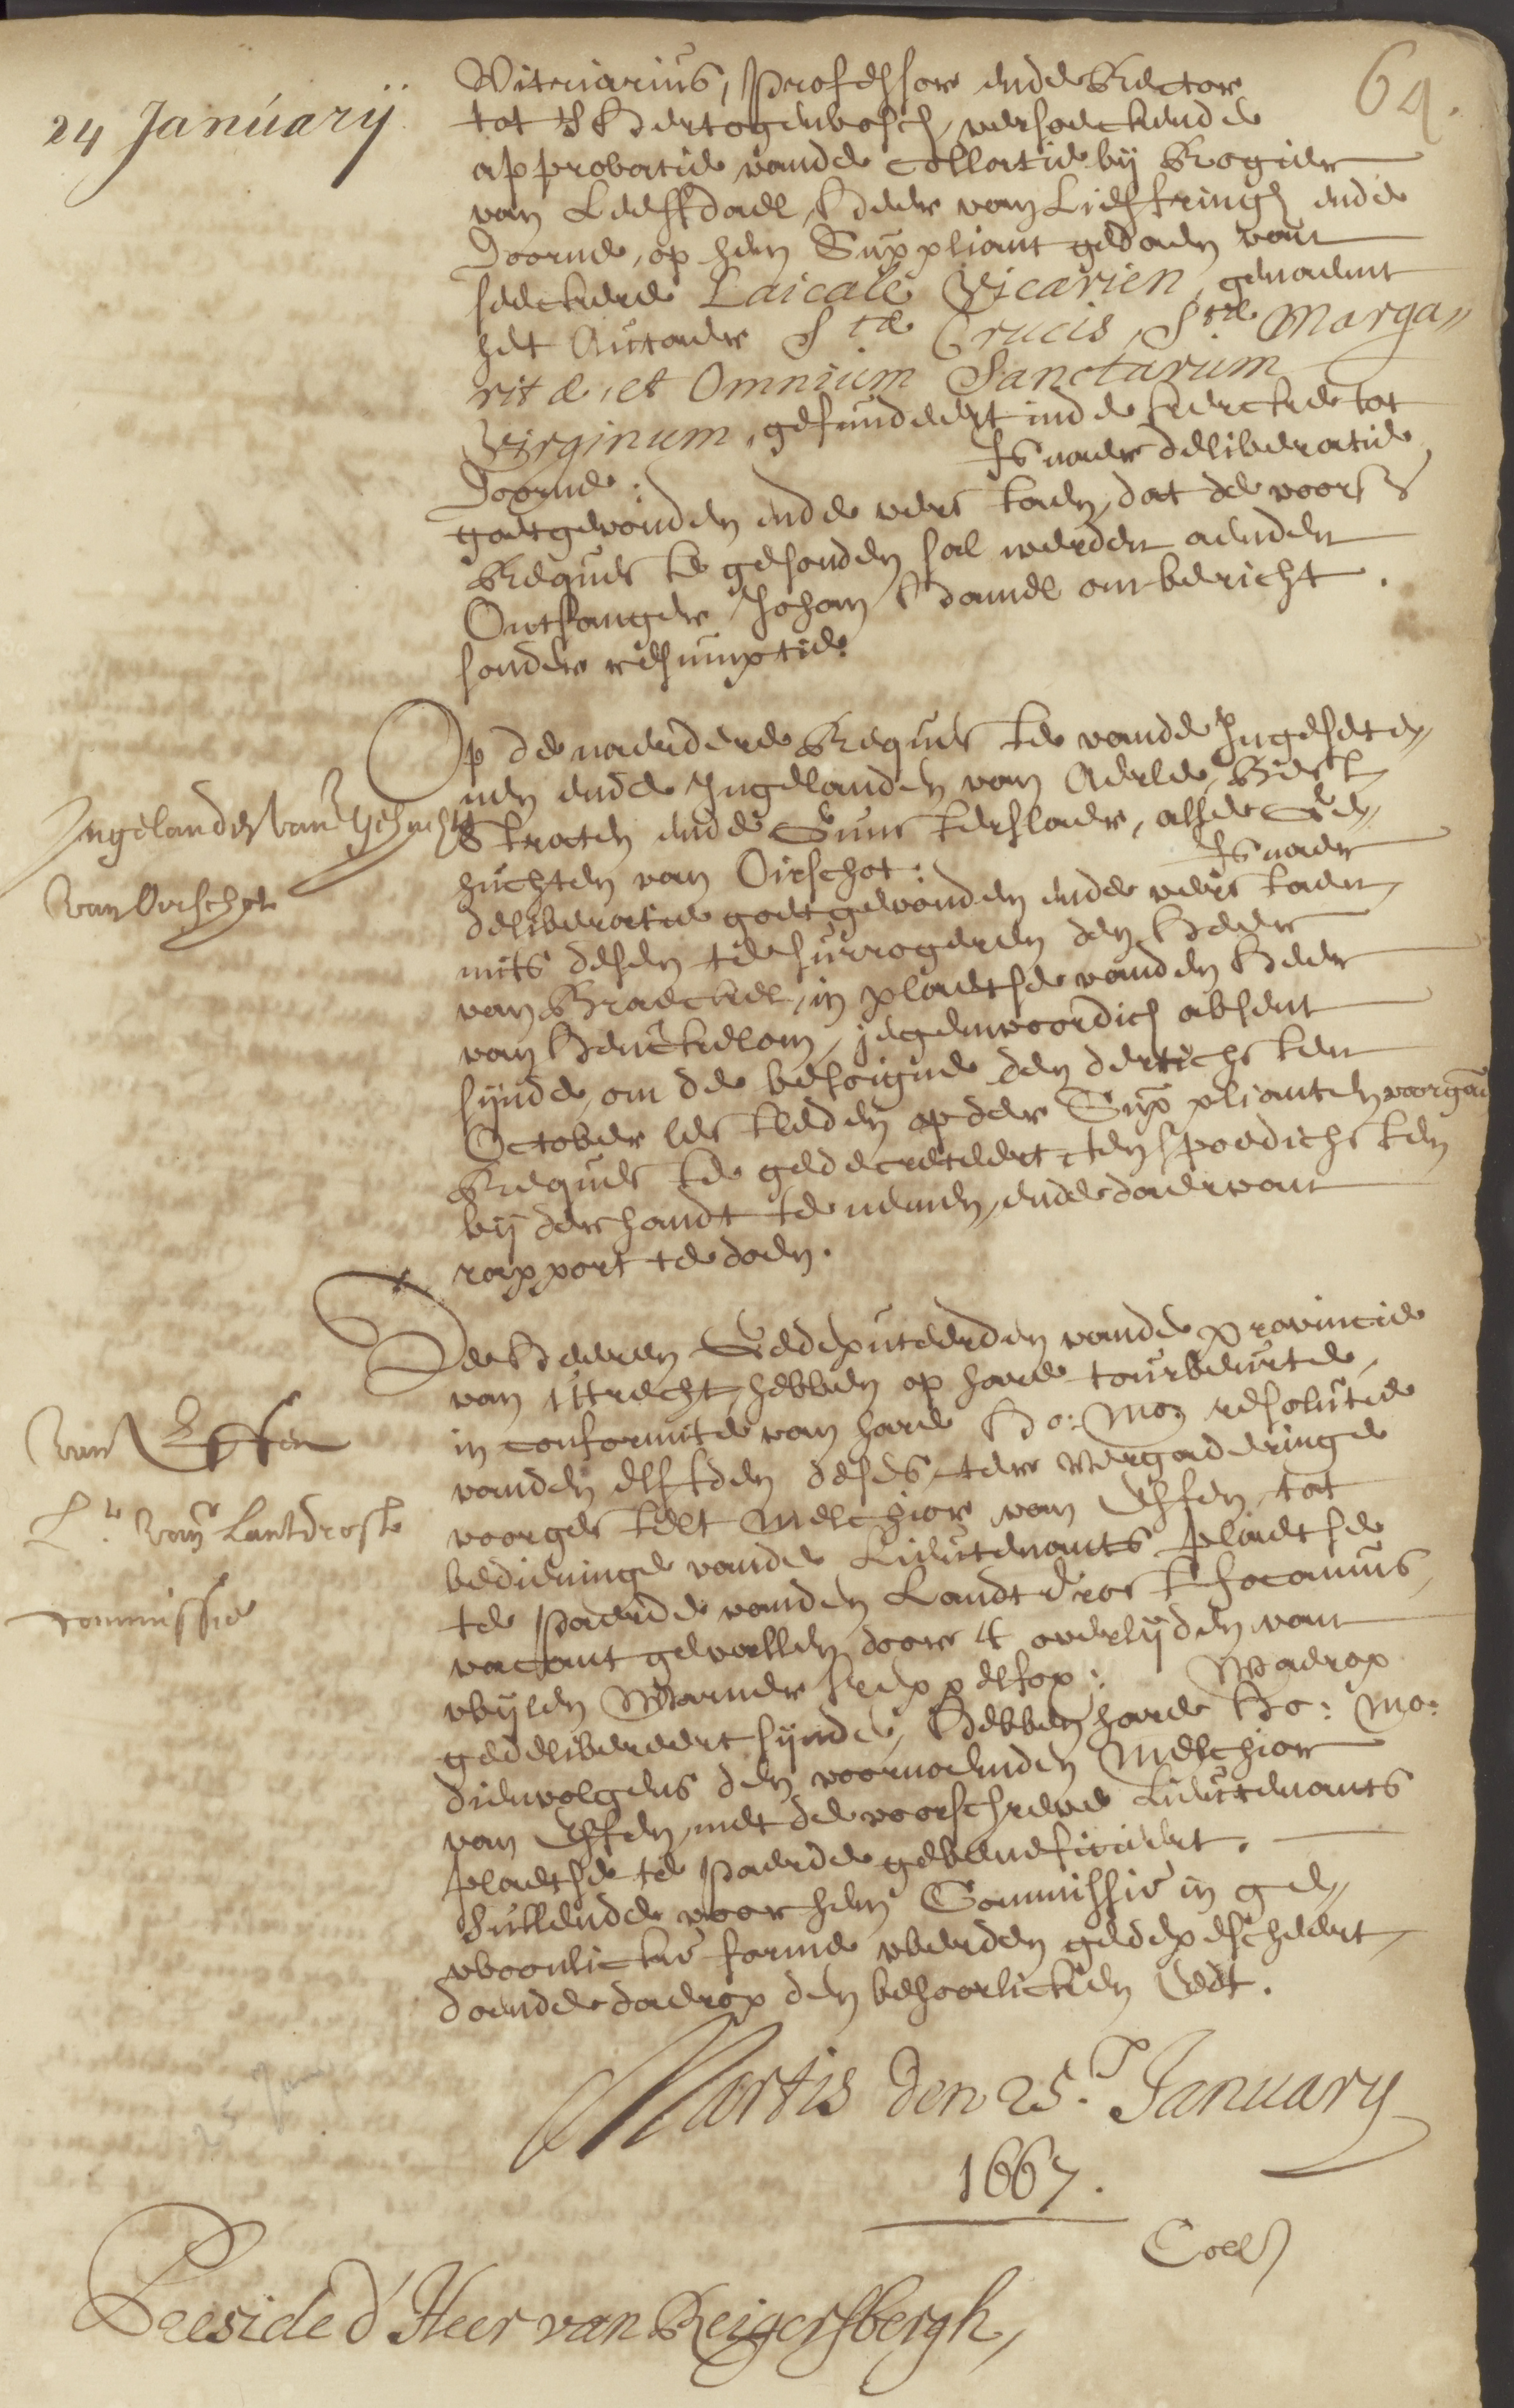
64.
24 Januarij
Vitriarius, Professor ende Rector
tot ‛s Hertogenbosch, versoeckende
approbatie vande collatie bij Rogier
van Leeffdael, Heer van Lieffringh ende
Doorne, op hem Suppliant gedaen van
seeckere Laicale Vicarien, genaemt
het Autaer Ste. Crucis, Ste. Marga,,
ritæ, et Omnium Sanctarum
Virginum, gefundeert inde kercke tot
Doorne: Is naer deliberatie
goetgevonden ende verstaen, dat de voorsz
Requeste gesonden sal werden aenden
Ontfanger Johan Hamel om bericht
sonder resumptie.
Ingelanden van gehuchte
van Oirschot
Op de naerdere Requeste vande Ingesete,,
nen ende Ingelanden van Aerle, Best,
Straten ende Gunsterslaer, alle Ge,,
huchten van Oirschot: Is naer
deliberatie goet gevonden ende verstaen
mits desen te surrogeren den Heer
van Braeckel, in plaetse vanden Heer
van Heuckelom, jegenwoordich absent
sijnde, om de besoigne den dertichsten
October lestleden op der Supplianten voorgae
Requeste gedecreteert, ten spoedichsten
bij derhandt te nemen, ende daervan
rapport te doen.
Van Effen
Lt. van Lantdroste
commissie
De Heeren Gedeputeerden vande provincie
van Utrecht, hebben op hare tourbeurte
in conformite van hare Ho:Mo: resolutie
vanden elffden deses, ter Vergaderinge
voorgestelt Melchior van Effen, tot
bedieninge vande Lieutenants plaetse
te paerde vanden Landt drost Focanius,
vacant gevallen door 't overlijden van
wijlen Warner Keppelfox: Waerop
gedelibereert sijnde, hebben hare Ho:Mo:
dienvolgens den voornoemden Melchior
van Effen, met de voorschreve Lieutenants
plaetse te paerde gebenificieert.—
Sullende voor hem Commissie in ge,,
woonlicke forme werden gedepescheert,
doende daerop den behoorlicken Eedt.
Martis den 25en. January
1667.
Coll
Preside d' Heer van Reigersbergh
